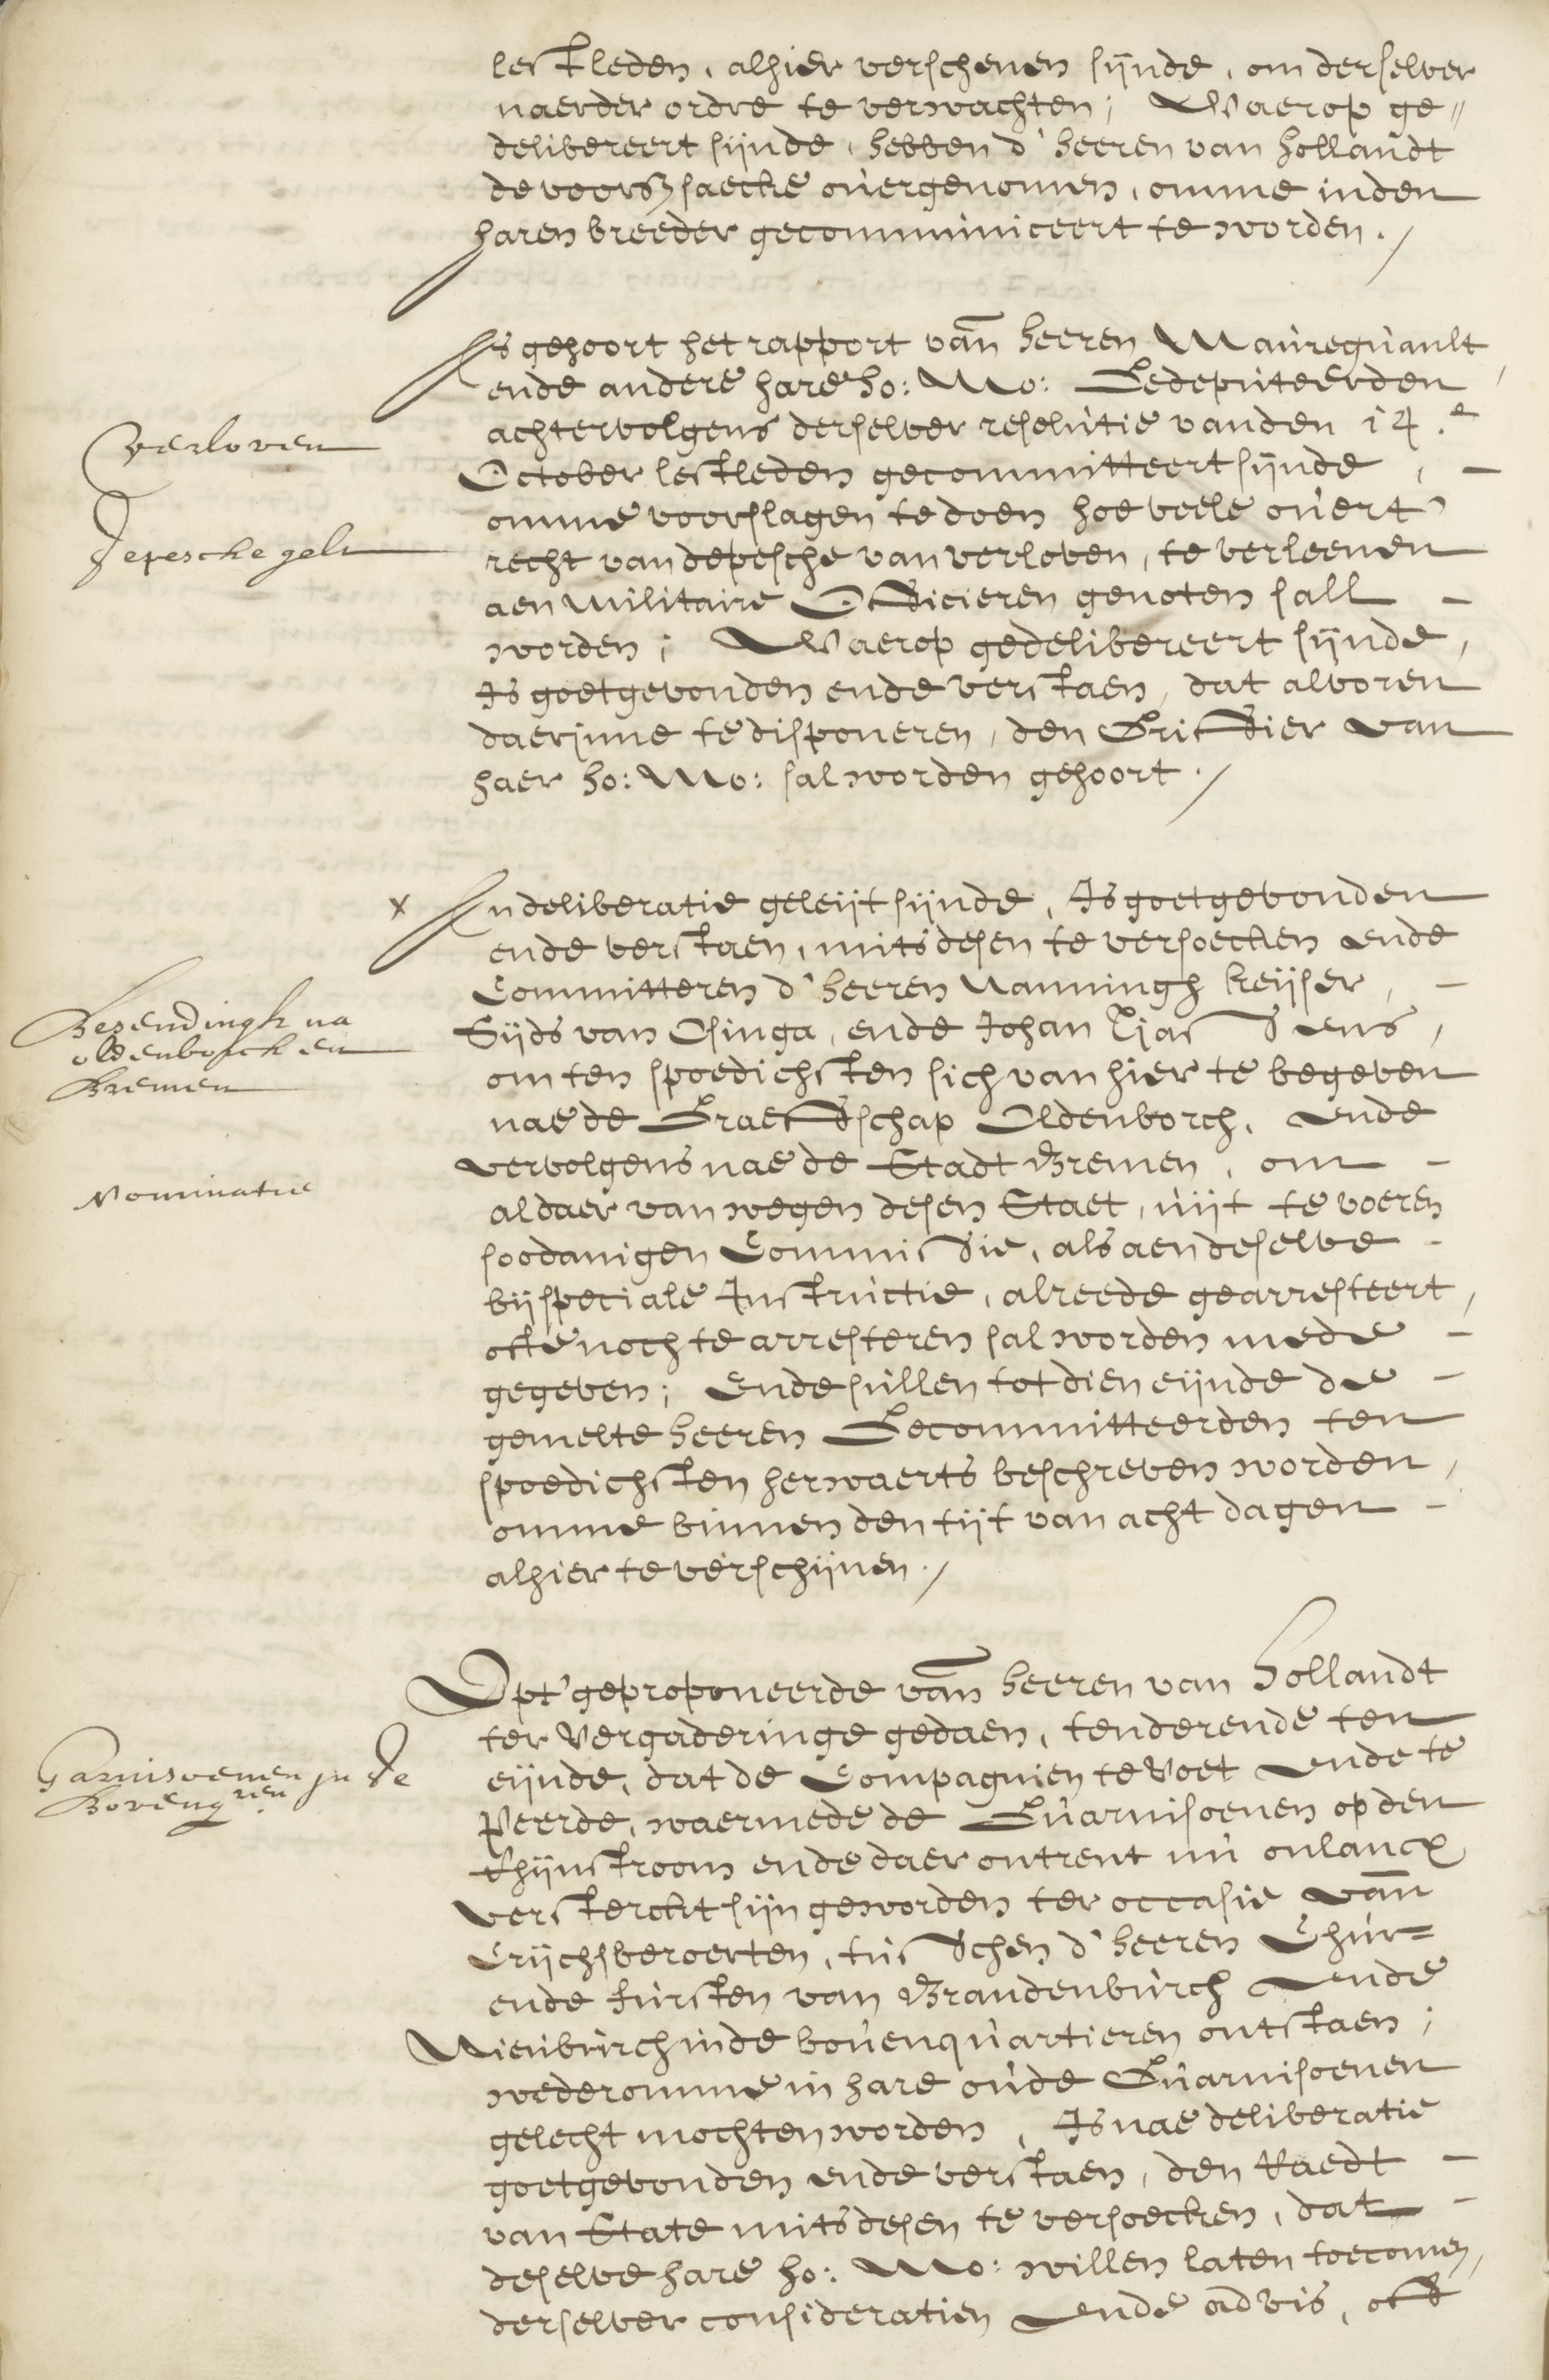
lestleden, alhier verschenen sijnde, om derselver
naerder ordre te verwachten; Waerop ge,,
delibereert sijnde, hebben d'heeren van Hollandt
de voorsz saecke ouergenomen, omme inden
haren breeder gecommuniceert te worden.
Verloven
Depeschegelt
Is gehoort het rapport van heeren Mauregnault,
ende andere hare ho:Mo: Gedeputeerden
achtervolgens derselver resolutie vanden 14e.
October lestleden gecommitteert sijnde, —
omme voorslagen te doen hoe veele ouert'
recht van depesche van verloven, te verleenen
aen militaire Officieren genoten sall -
worden; Waerop gedelibereert sijnde,
Is goetgevonden ende verstaen, dat alvoren
daerinne te disponeren, den Griffier van
haer ho:Mo: sal worden gehoort.
Besendingh na
oldenborch en
Bremen
Nominatie
In deliberatie geleijt sijnde, Is goetgevonden
ende verstaen, mits desen te versoecken ende
committeren d'heeren Nanningh Keijser, -
Sijds van Osinga, ende Johan Tjassens,
om ten spoedichsten sich van hier te begeven
nae de Graeffschap Oldenborch, ende
vervolgens nae de Stadt Bremen, om -
aldaer van wegen desen Staet, uijt te voeren
soodanigen Commissie, als aen deselve -
bij speciale Instructie, alreede gearresteert,
ofte noch te arresteren sal worden mede -
gegeven; Ende sullen tot dien eijnde de -
gemelte heeren Gecommitteerden ten
spoedichsten herwaerts beschreven worden,
omme binnen den tijt van acht dagen -
alhier te verschijnen.
Garnisoenen in de
Bovenqren.
Opt' geproponeerde van heeren van Hollandt
ter vergaderinge gedaen, tenderende ten
eijnde, dat de Compagnien te voet ende te
Peerde, waermede de Guarnisoenen op den
Rhijnstroom ende daer ontrent nu onlancx
versterckt sijn geworden ter occasie van
Crijchsberoerten, tusschen d'heeren Chur-
ende fursten van Brandenburch ende
Nieuburch inde bouenquartieren ontstaen;
wederomme in hare oude Guarnisoenen
gelecht mochten worden, Is nae deliberatie
goetgevonden ende verstaen, den Raedt -
van State mitsdesen te versoecken, dat -
deselve hare ho:Mo: willen laten toecomen,
derselver consideratien ende advis, off
